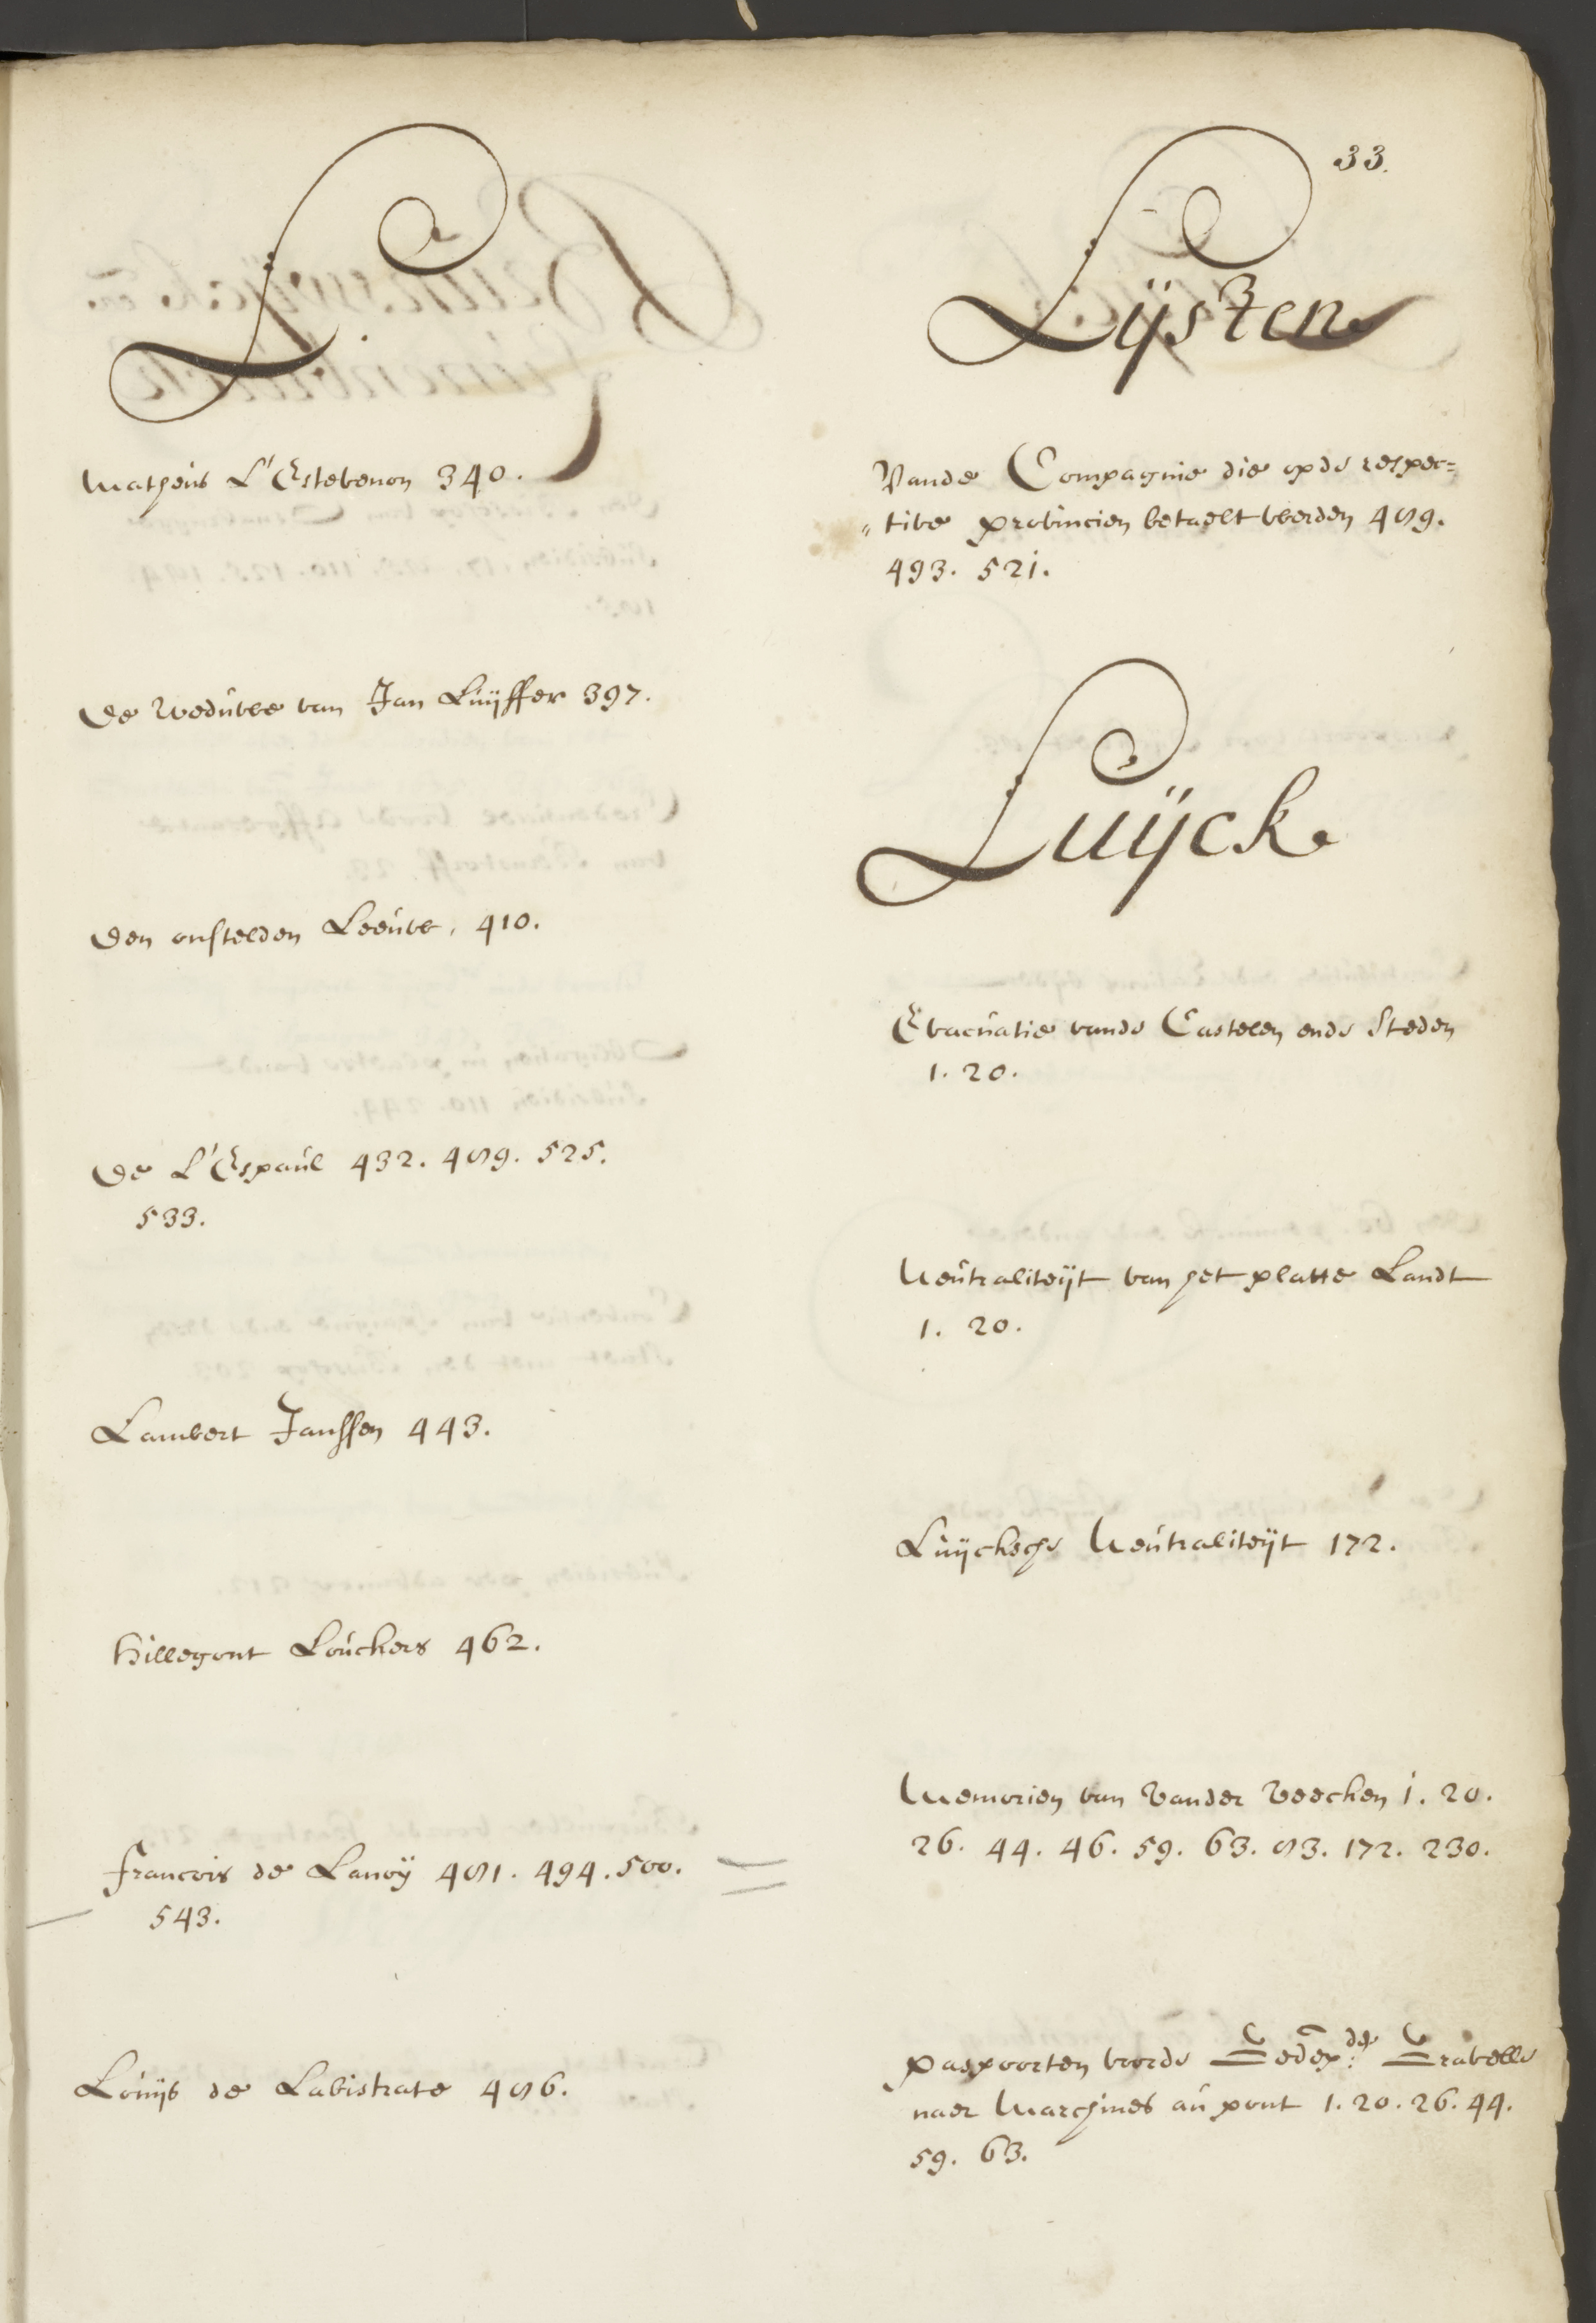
L.
Matheus L‛Estevenon 340.
De Weduwe van Jan Luijffer 397.
Den onstelden Leeuw. 410.
De L‛Espaul 432. 489. 525.
533.
Lambert Janssen 443.
Hillegont Louckers 462.
Francois de Lanoij 481. 494. 500.
543.
Louijs de Labistrate 486.
Lijsten
Vande Compagnie die opde respec„
„tive Provincien betaelt werden 489.
493. 521.
Luijck
Evacuatie vande Castelen ende Steden
1. 20.
Neutraliteijt van het platte Landt
1. 20.
Luijcksche Neutraliteijt 172.
Memorien van Vander Veecken 1. 20.
26. 44. 46. 59. 63. 83. 172. 230.
Paspoorten voorde Gedepde: Gravelle
naer Marchines au pont 1. 20. 26. 44.
59. 63.
33
